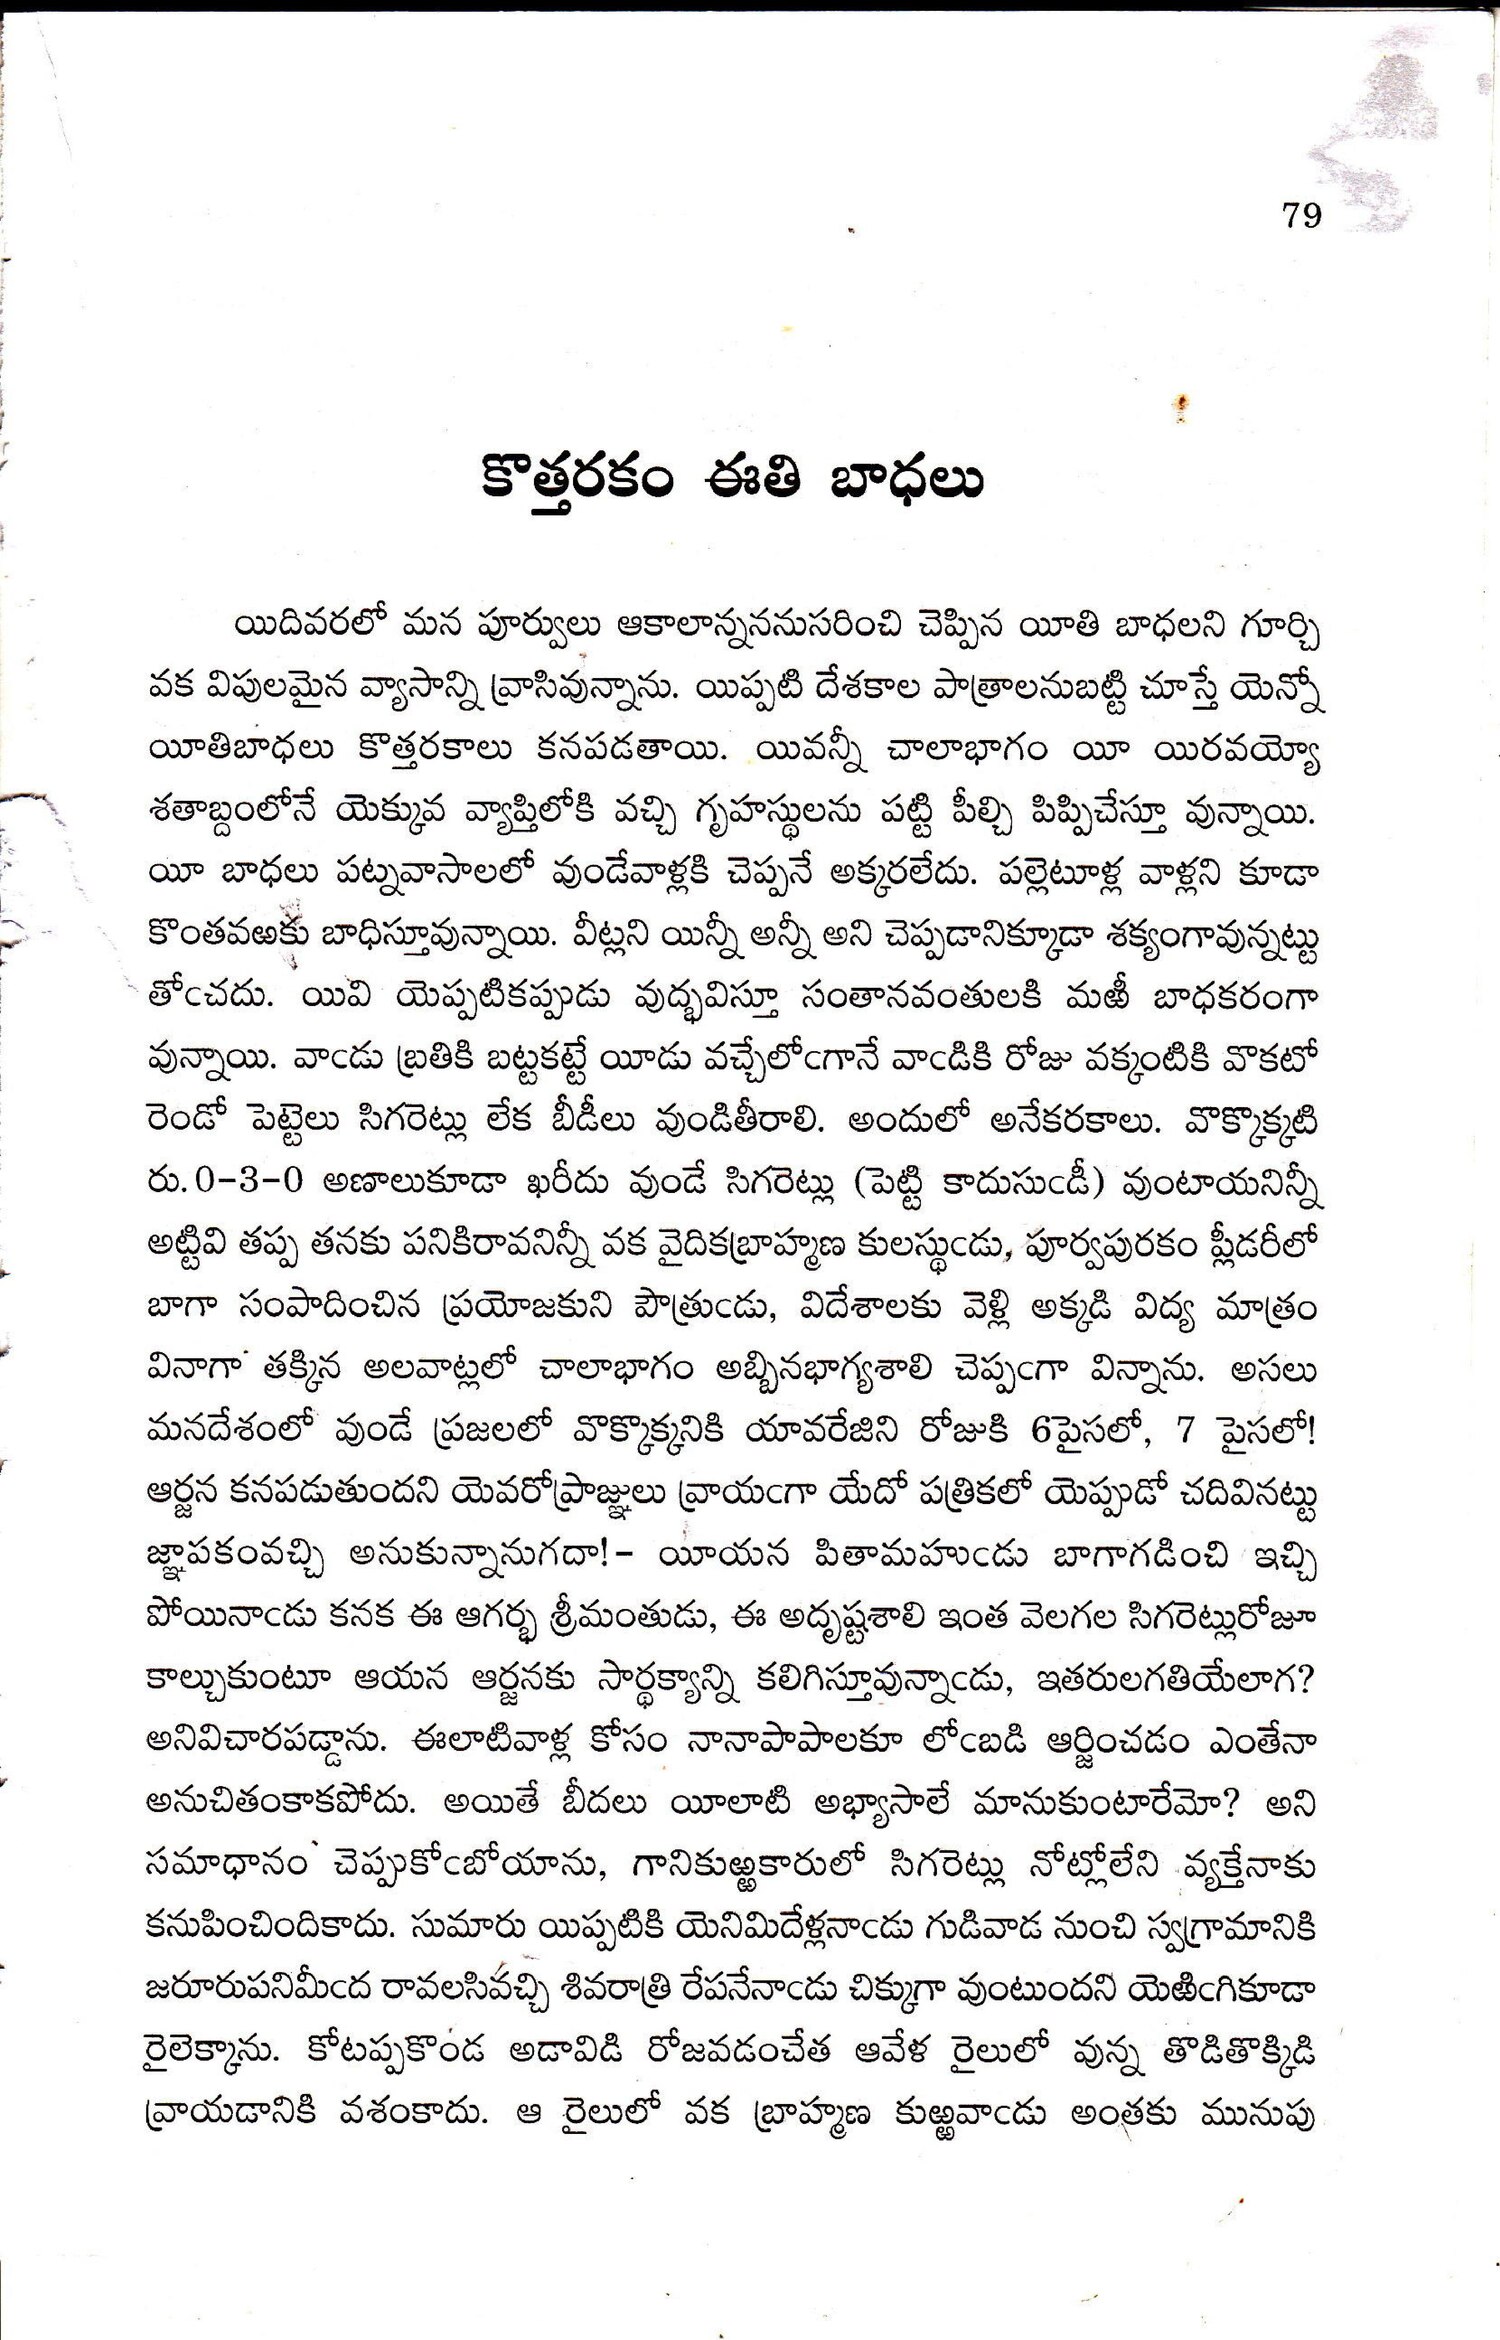యిదివరలో మన పూర్వులు ఆకాలాన్నననుసరించి చెప్పిన యీతి బాధలని గూర్చి వక విపులమైన వ్యాసాన్ని వ్రాసివున్నాను. యిప్పటి దేశకాల పాత్రాలనుబట్టి చూస్తే యెన్నో యీతిబాధలు కొత్తరకాలు కనపడతాయి. యివన్నీ చాలాభాగం యీ యిరవయ్యో శతాబ్దంలోనే యెక్కువ వ్యాప్తిలోకి వచ్చి గృహస్టులను పట్టి పీల్చి పిప్పిచేస్తూ వున్నాయి. యీ బాధలు పట్నవాసాలలో వుండేవాళ్లకి చెప్పనే అక్కరలేదు. పల్లెటూళ్ల వాళ్లని కూడా కొంతవఱకు బాధిస్తూవున్నాయి. వీట్లని యిన్నీ అన్నీ అని చెప్పడానిక్కూడా శక్యంగావున్నట్టు తోచదు. యివి యెప్పటికప్పుడు వుద్బవిస్తూ సంతానవంతులకి మటీ బాధకరంగా వున్నాయి. వాండు బ్రతికి బట్టకట్టే యీడు వచ్చేలోcగానే వాండికి రోజు వక్కంటికి వొకటో రెండో పెట్టెలు సిగరెట్లు లేక బీడీలు వుండితీరాలి. అందులో అనేకరకాలు. వొక్కొక్కటి రు.0-3-0 అణాలుకూడా ఖరీదు వుండే సిగరెట్లు (పెట్టి కాదుసుండీ) వుంటాయనిన్నీ అట్టివి తప్ప తనకు పనికిరావనిన్నీ వక వైదిక బ్రాహ్మణ కులసుండు, పూర్వపురకం ప్లీడరీలో బాగా సంపాదించిన ప్రయోజకుని పౌత్రుండు, విదేశాలకు వెళ్లి అక్కడి విద్య మాత్రం వినాగా తక్కిన అలవాట్లలో చాలాభాగం అబ్బినభాగ్యశాలి చెప్పంగా విన్నాను. అసలు మనదేశంలో వుండే ప్రజలలో వొక్కొక్కనికి యావరేజిని రోజుకి 6 పైసలో, 7 పైసలో ఆర్జన కనపడుతుందని యెవరోప్రాజ్ఞలు వ్రాయంగా యేదో పత్రికలో యెప్పుడో చదివినట్టు జ్ఞాపకంవచ్చి అనుకున్నానుగదా!- యీయన పితామహుండు బాగాగడించి ఇచ్చి పోయినాండు కనక ఈ ఆగర్భ శ్రీమంతుడు, ఈ అదృష్టశాలి ఇంత వెలగల సిగరెట్లరోజూ కాల్చుకుంటూ ఆయన ఆర్జనకు సార్ధక్యాన్ని కలిగిస్తూవున్నాండు, ఇతరులగతియేలాగ? అనివిచారపడ్డాను. ఈలాటివాళ్ల కోసం నానాపాపాలకూ లోcబడి ఆర్జించడం ఎంతేనా అనుచితంకాకపోదు. అయితే బీదలు యీలాటి అభ్యాసాలే మానుకుంటారేమో? అని సమాధానం చెప్పకోcబోయాను, గానికుల్జకారులో సిగరెట్లు నోట్లోలేని వ్యక్రేనాకు కనుపించిందికాదు. సుమారు యిప్పటికి యెనిమిదేళ్లనాఁడు గుడివాడ నుంచి స్వగ్రామానికి జరూరుపనిమీంద రావలసివచ్చి శివరాత్రి రేపనేనాండు చిక్కుగా వుంటుందని యెడింగికూడా రైలెక్కాను. కోటప్పకొండ అడావిడి రోజవడంచేత ఆవేళ రైలులో వున్న తొడితొక్కిడి వ్రాయడానికి వశంకాదు. ఆ రైలులో వక బ్రాహ్మణ కుబ్జవాఁడు అంతకు మునుపు